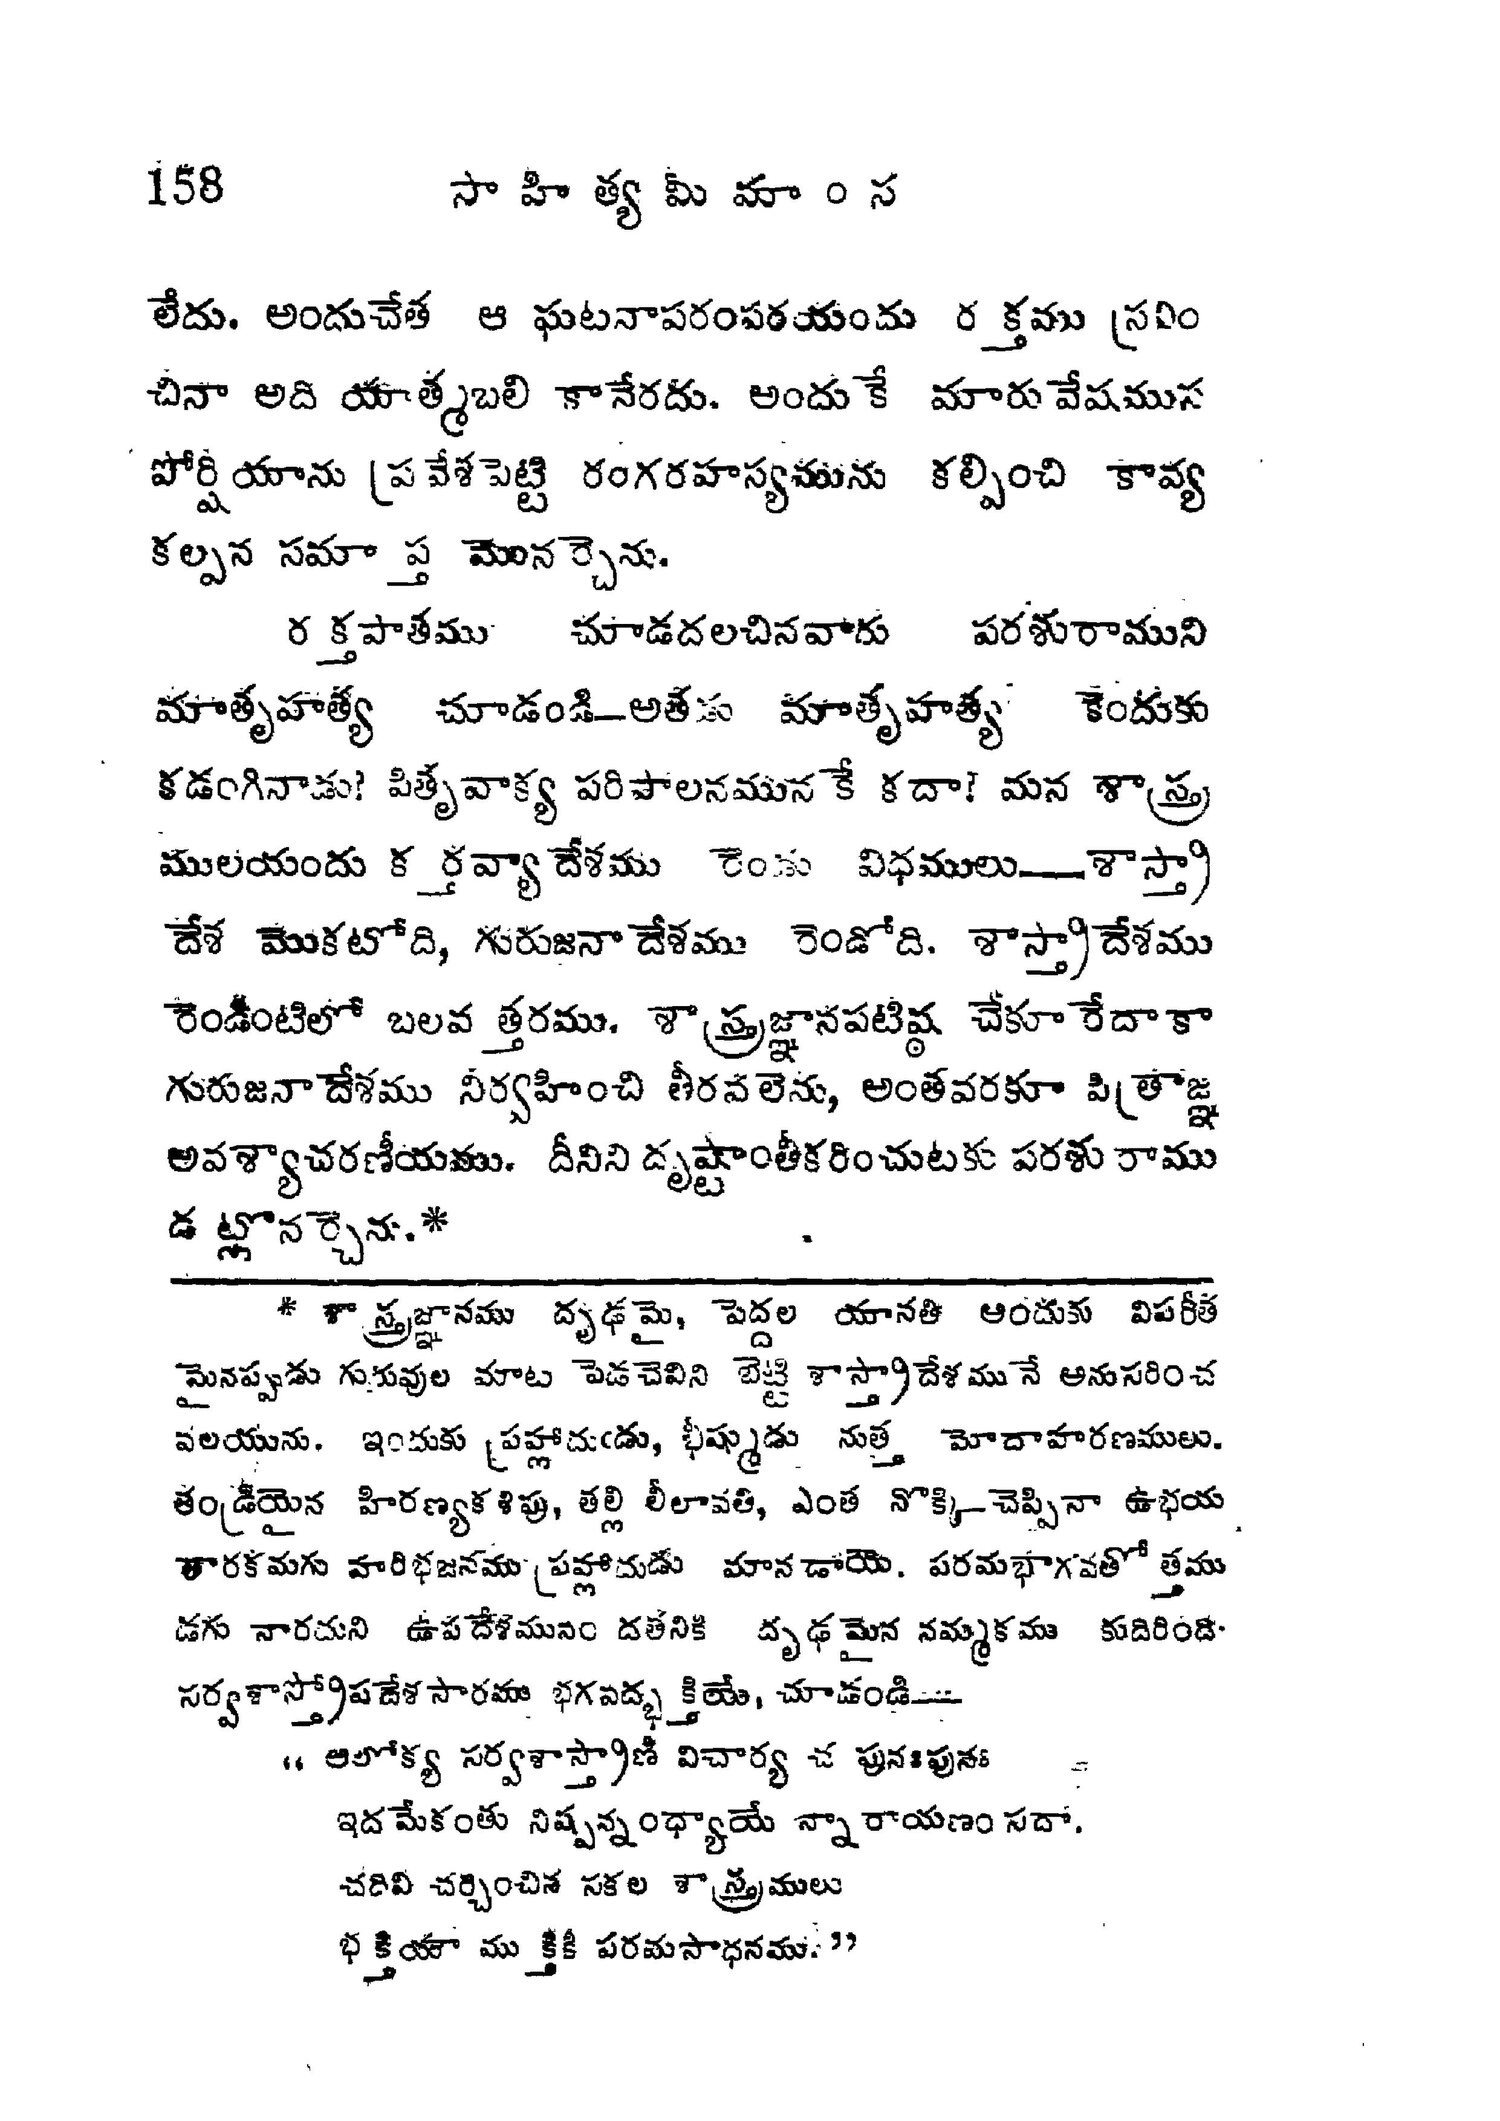లేదు. అందుచేత ఆ ఘటనాపరంపరయందు రక్తము స్రవించినా అది యాత్మబలి కానేరదు. అందుకే మారువేషమున పోర్షియాను ప్రవేశపెట్టి రంగరహస్యమును కల్పించి కావ్య కల్పన సమాప్త మొనర్చెను.

రక్తపాతము చూడదలచినవారు పరశురాముని మాతృహత్య చూడండి - అతడు మాతృహత్య కెందుకు కడంగినాడు? పితృవాక్య పరిపాలనమునకే కదా ? మన శాస్త్రములయందు కర్తవ్యాదేశము రెండు విధములు - శాస్త్రాదేశ మొకటోది, గురుజనా దేశము రెండోది. శాస్త్రాదేశము రెండింటిలో బలవత్తరము. శాస్త్రజ్ఞానపటిష్ఠ చేకూరేదాకా గురుజనాదేశము నిర్వహించి తీరవలెను, అంతవరకూ పిత్రాజ్ఞ అవశ్యాచరణీయము. దీనిని దృష్టాంతీకరించుటకు పరశురాము డట్లొనర్చెను.*